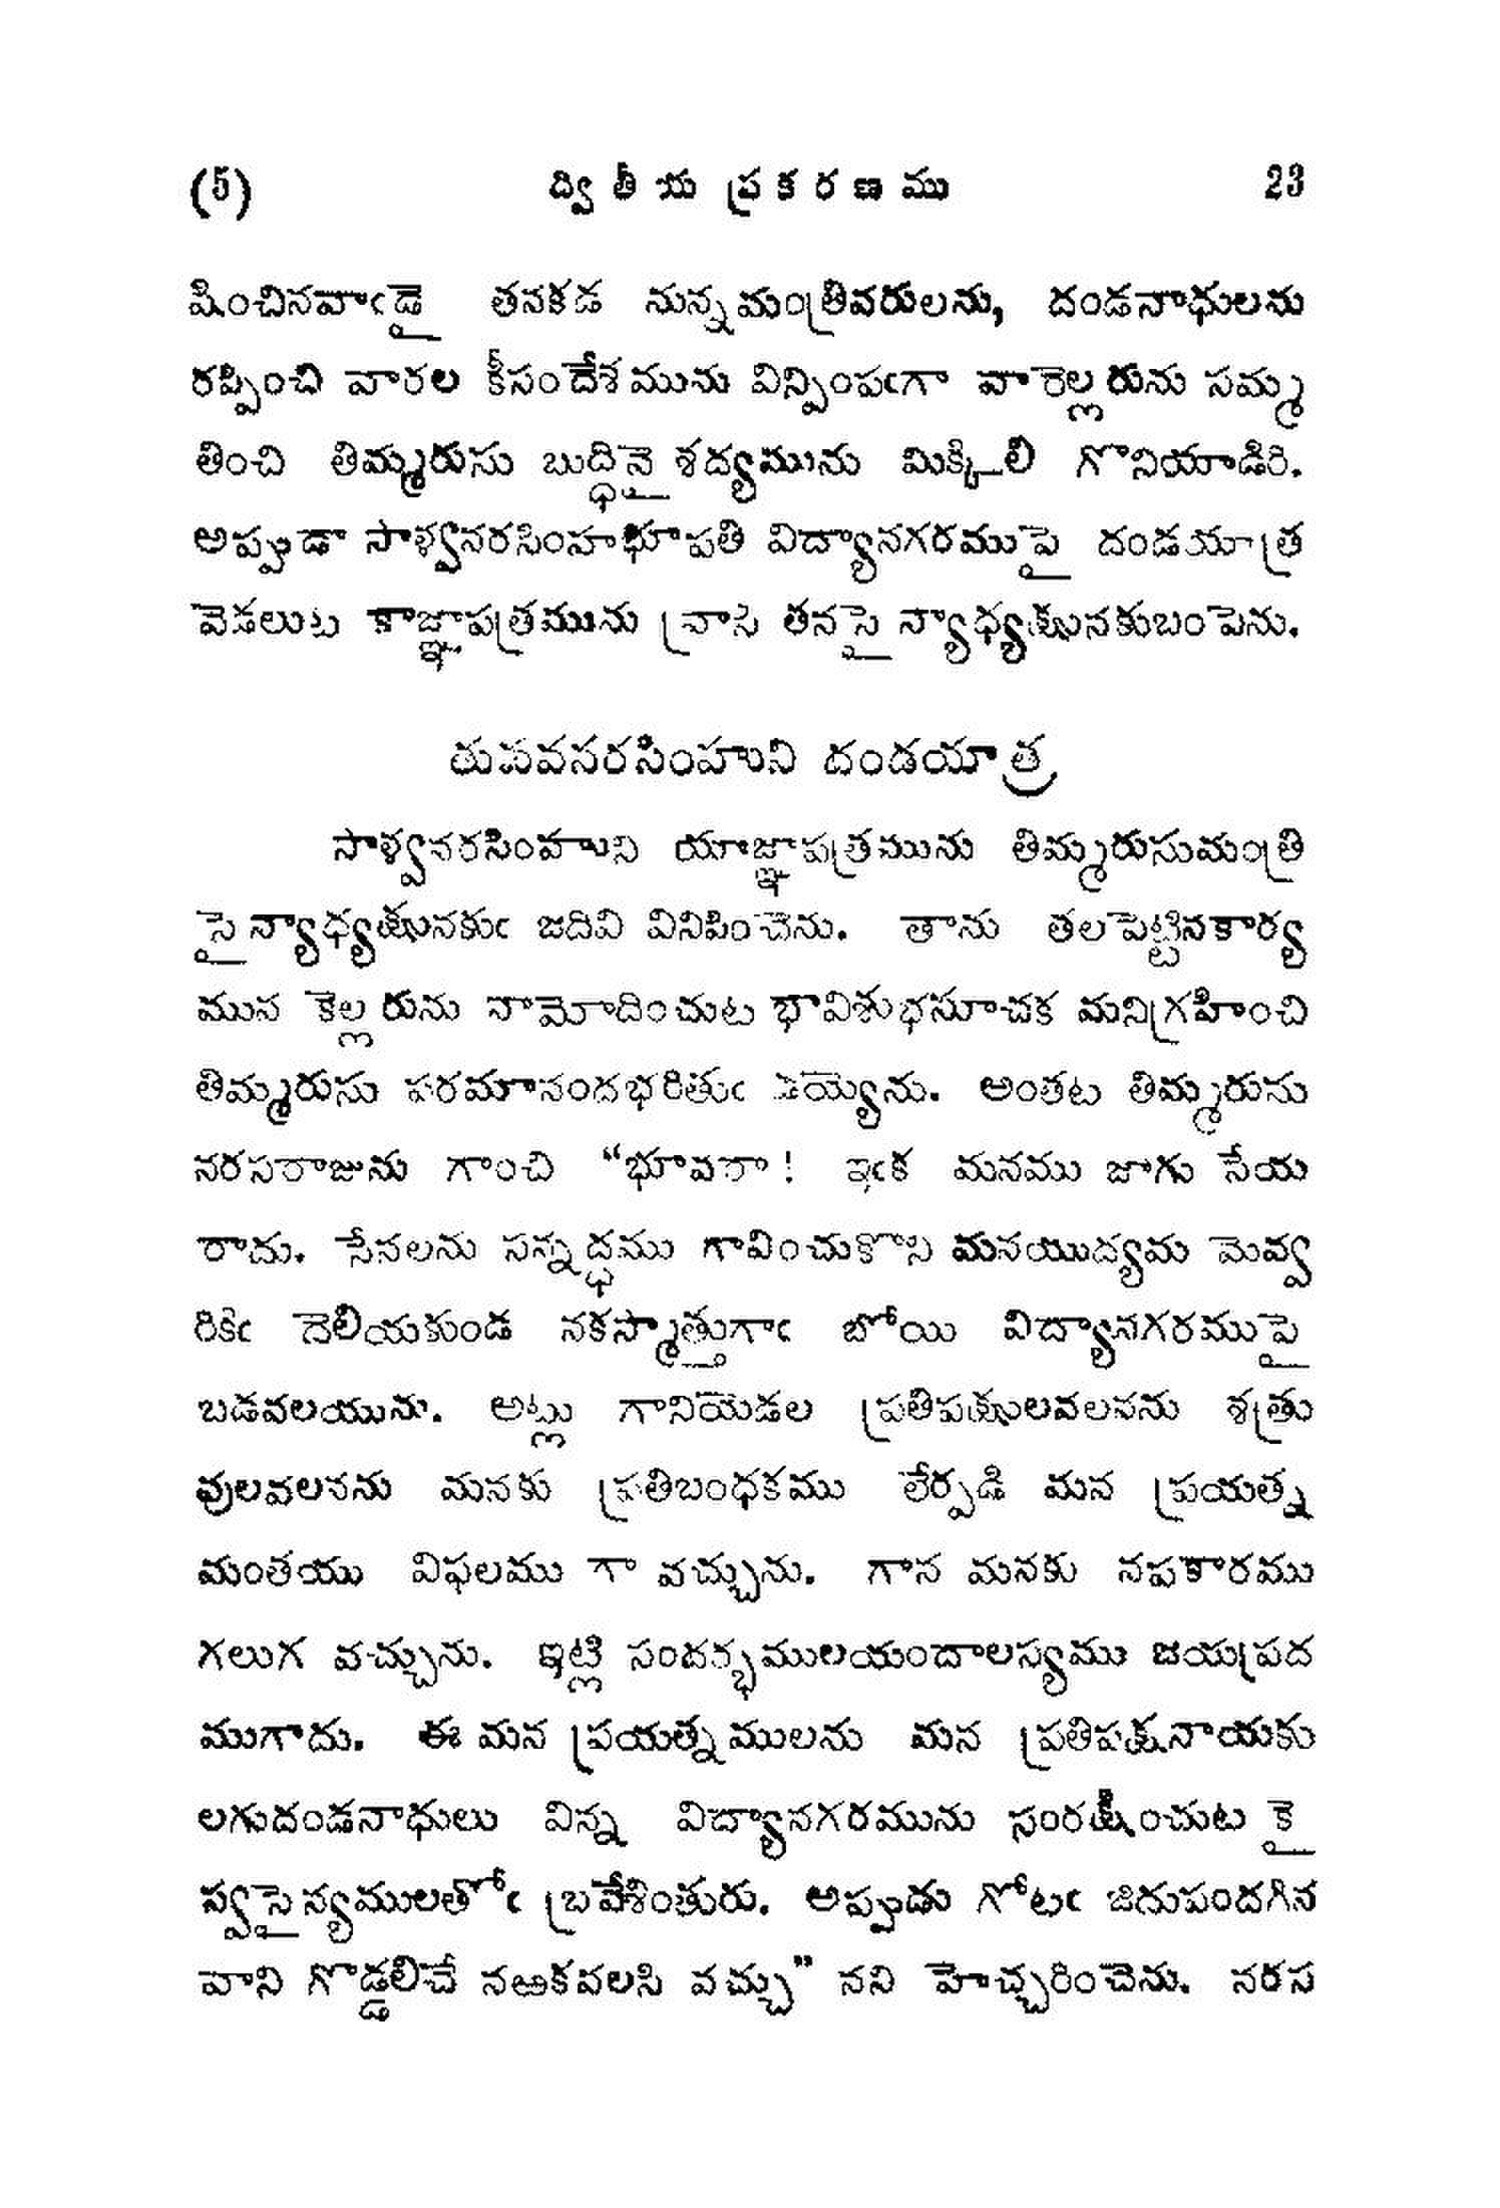షించినవాఁడై తనకడ నున్నమంత్రివరులను, దండనాధులను రప్పించి వారల కీసందేశమును విన్పింపఁగా వారెల్లరును సమ్మతించి తిమ్మరుసు బుద్ధినైశద్యమును మిక్కిలి గొనియాడిరి. అప్పుడా సాళ్వనరసింహభూపతి విద్యానగరముపై దండయాత్ర వెడలుట కాజ్ఞాపత్రమును వ్రాసి తనసై న్యాధ్యక్షునకుబంపెను.

తుళువనరసింహుని దండయాత్ర 

సాళ్వనరసింహుని యాజ్ఞాపత్రమును తిమ్మరుసుమంత్రి సైన్యాధ్యక్షునకుఁ జదివి వినిపించెను. తాను తలపెట్టినకార్యమున కెల్లరును నామోదించుట భావిశుభసూచక మనిగ్రహించి తిమ్మరుసు పరమానందభరితుఁ డయ్యెను. అంతట తిమ్మరును నరసరాజును గాంచి “భూవరా! ఇఁక మనము జాగు సేయరాదు. సేనలను సన్నద్ధము గావించుకొని మనయుద్యమ మెవ్వరికిఁ దెలియకుండ నకస్మాత్తుగాఁ బోయి విద్యానగరముపై బడవలయును. అట్లు గానియెడల ప్రతిపక్షులవలనను శత్రువులవలనను మనకు ప్రతిబంధకము లేర్పడి మన ప్రయత్న మంతయు విఫలము గా వచ్చును. గాన మనకు నపకారము గలుగ వచ్చును. ఇట్టి సందర్భములయందాలస్యము జయప్రదముగాదు. ఈ మన ప్రయత్నములను మన ప్రతిపక్షనాయకు లగుదండనాధులు విన్న విద్యానగరమును సంరక్షించుట కై స్వసైన్యములతోఁ బ్రవేశింతురు. అప్పుడు గోటఁ జిదుపందగిన వాని గొడ్డలిచే నఱకవలసి వచ్చు" నని హెచ్చరించెను. నరస